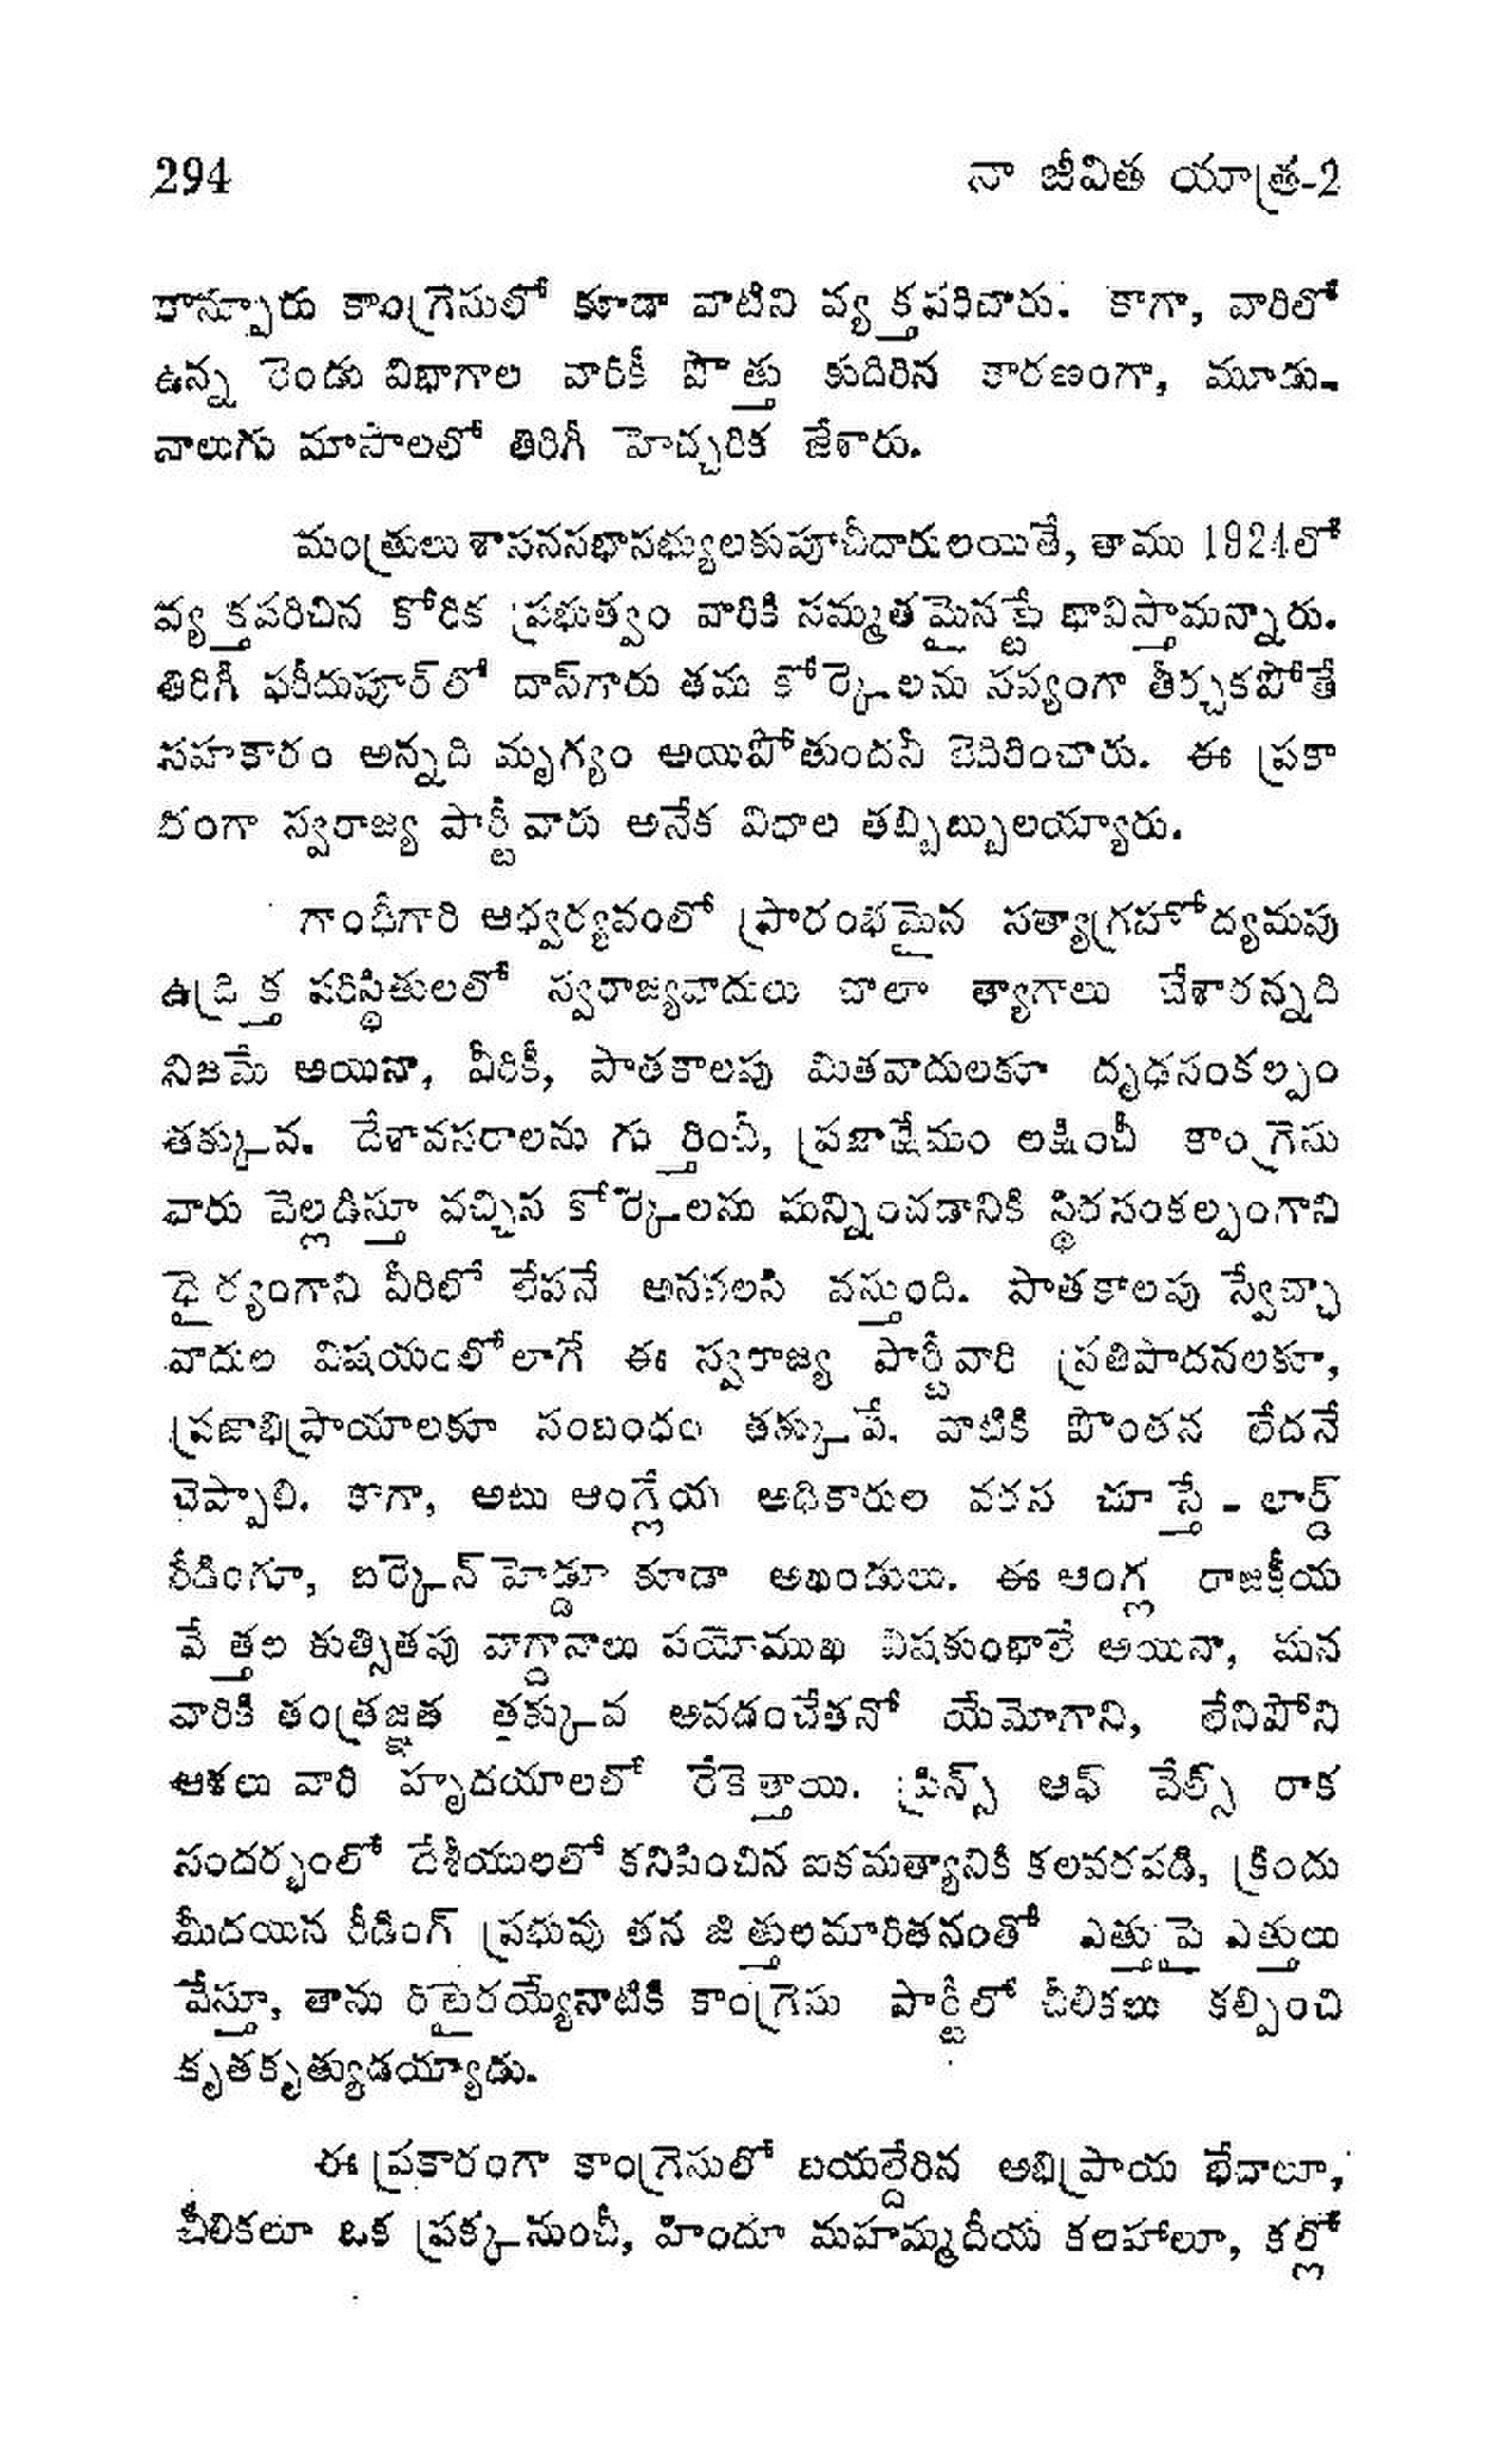కాన్పూరు కాంగ్రెసులో కూడా వాటిని వ్యతిరేకించారు. కాగా, వారిలో ఉన్న రెండు విభాగాల వారికీ పొత్తు కుదిరిన కారణంగా, మూడు-నాలుగు మాసాలలో తిరిగి హెచ్చరిక జేశారు.

మంత్రులు శాసనసభాసభ్యులకు పూచీదారులయితే, తాము 1924లో వ్యక్తపరచిన కోరిక ప్రభుత్వం వారికి సమ్మతమైనట్టే భావిస్తామన్నారు. తిరిగీ ఫరీదుపూర్‌లో దాస్‌గారు తమ కోర్కెలను సవ్యంగా తీర్చకపోతే సహకారం అన్నది మృగ్యం అయిపోతుందనీ బెదిరించారు. ఈ ప్రకారంగా స్వరాజ్య పార్టీవారు అనేక విధాల తబ్బిబ్బులయ్యారు.

గాంధీగారి ఆధ్వర్యవంలో ప్రారంభమైన సత్యాగ్రహోద్యమపు ఉద్రిక్త పరిస్థితులలో స్వరాజ్యవాదులు చాలా త్యాగాలు చేశారన్నది నిజమే అయినా, వీరికి, పాతకాలపు మితవాదులకూ దృఢసంకల్పం తక్కువ. దేశావసరాలను గుర్తించీ, ప్రజాక్షేమం లక్షించీ కాంగ్రెసువారు వెల్లడిస్తూ వచ్చిన కోర్కెలను మన్నించడానికి స్థిరసంకల్పంగాని ధైర్యంగాని వీరిలో లేవనే అనవలసి వస్తుంది. పాతకాలపు స్వేచ్ఛా వాదుల విషయంలోలాగే ఈ స్వరాజ్య పార్టీవారి ప్రతిపాదనలకూ, ప్రజాభిప్రాయాలకూ సంబంధం తక్కువే. వాటికి పొంతన లేదనే చెప్పాలి. కాగా, అటు ఆంగ్లేయ అధికారుల వరస చూస్తే - లార్డ్ రీడింగూ, బర్కెన్‌హెడ్డూ కూడా అఖండులు. ఈ ఆంగ్ల రాజకీయ వేత్తల కుత్సితపు వాగ్దానాలు పయోముఖ విషకుంభాలే అయినా, మనవారికి తంత్రజ్ఞత తక్కువ అవడంచేతనో యేమోగాని, లేనిపోని ఆశలు వారి హృదయాలలో రేకెత్తాయి. ప్రిన్స్ ఆఫ్ వేల్స్ రాక సందర్భంలో దేశీయులలో కనిపించిన ఐకమత్యానికి కలవరపడి, క్రిందు మీదయిన రీడింగ్ ప్రభువు తన జిత్తులమారితనంతో ఎత్తుపై ఎత్తులు వేస్తూ, తాను రిటైరయ్యేనాటికి కాంగ్రెసు పార్టీలో చీలికలు కల్పించి కృతకృత్యుడయ్యాడు.

ఈ ప్రకారంగా కాంగ్రెసులో బయల్దేరిన అభిప్రాయ భేధాలూ, చీలికలూ ఒక ప్రక్కనుంచీ, హిందూ మహమ్మదీయ కలహాలూ, కల్లో